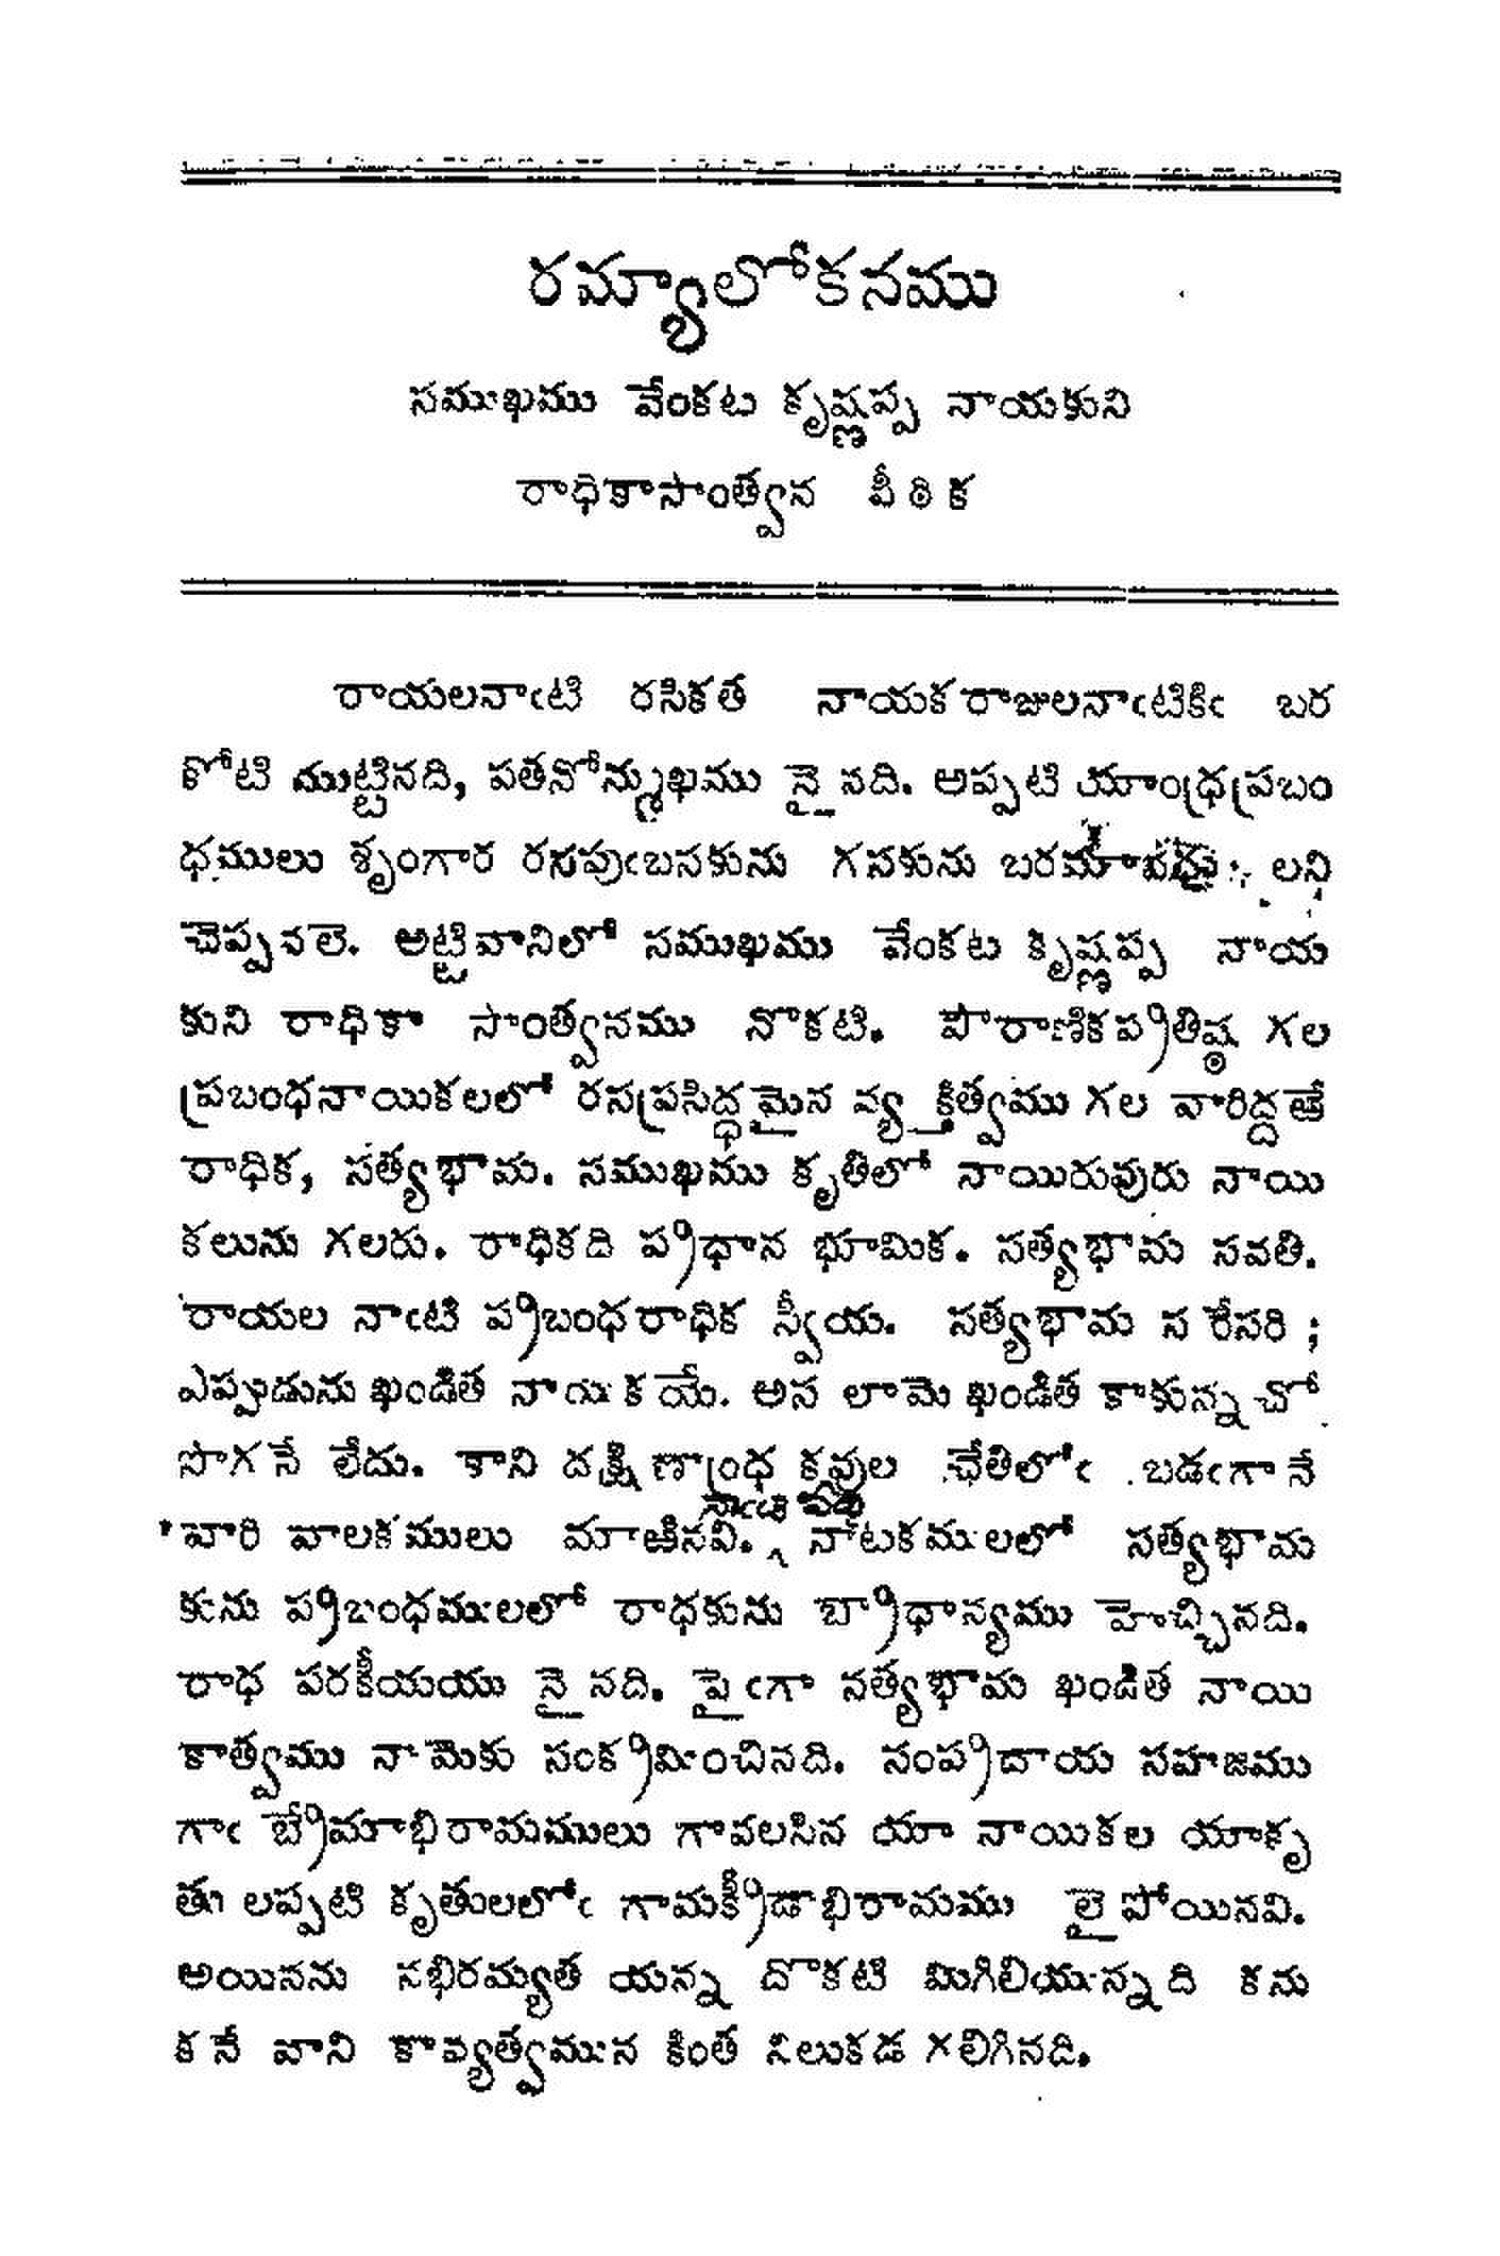రాయలనాఁటి రసికత నాయకరాజులనాఁటికిఁ బరకోటి ముట్టినది, పతనోన్ముఖము నైనది. అప్పటి యాంధ్రప్రబంధములు శృంగారరసపుఁ బసకును గసకును బరమావధు లని చెప్పవలె. అట్టివానిలో సముఖము వేంకట కృష్ణప్ప నాయకుని రాధికాసాంత్వనము నొకటి. పౌరాణికప్రతిష్ఠ గల ప్రబంధనాయికలలో రసప్రసిద్ధమైన వ్యక్తిత్వము గలవారిద్దఱే రాధిక, సత్యభామ. సముఖము కృతిలో నాయిరువురు నాయికలును గలరు. రాధికది ప్రధానభూమిక. సత్యభామ సవతి. రాయలనాఁటి ప్రబంధరాధిక స్వీయ. సత్యభామ సరేసరి; ఎప్పుడును ఖండితనాయికయే. అస లామె ఖండిత కాకున్నచో సొగసే లేదు. కాని దక్షిణాంధ్రకవుల చేతిలోఁ బడగానే వారి వాలకములు మారినవి. నాఁటి వీథినాటకములలో సత్యభామకును ప్రబంధములలో రాధకును బ్రాధాన్యము హెచ్చినది. రాధ పరకీయయు నైనది. పైఁగా సత్యభామ ఖండితనాయికాత్వము నామెకు సంక్రమించినది. సంప్రదాయసహజముగాఁ బ్రేమాభిరామములు గావలసిన యా నాయికల యాకృతు లప్పటికృతులలోఁ గామక్రీడాభిరామము లైపోయినవి. అయినను నభిరమ్యత యన్న దొకటి మిగిలియున్నది కనుకనే వాని కావ్యత్వమున కింత నిలుకడ గలిగినది.